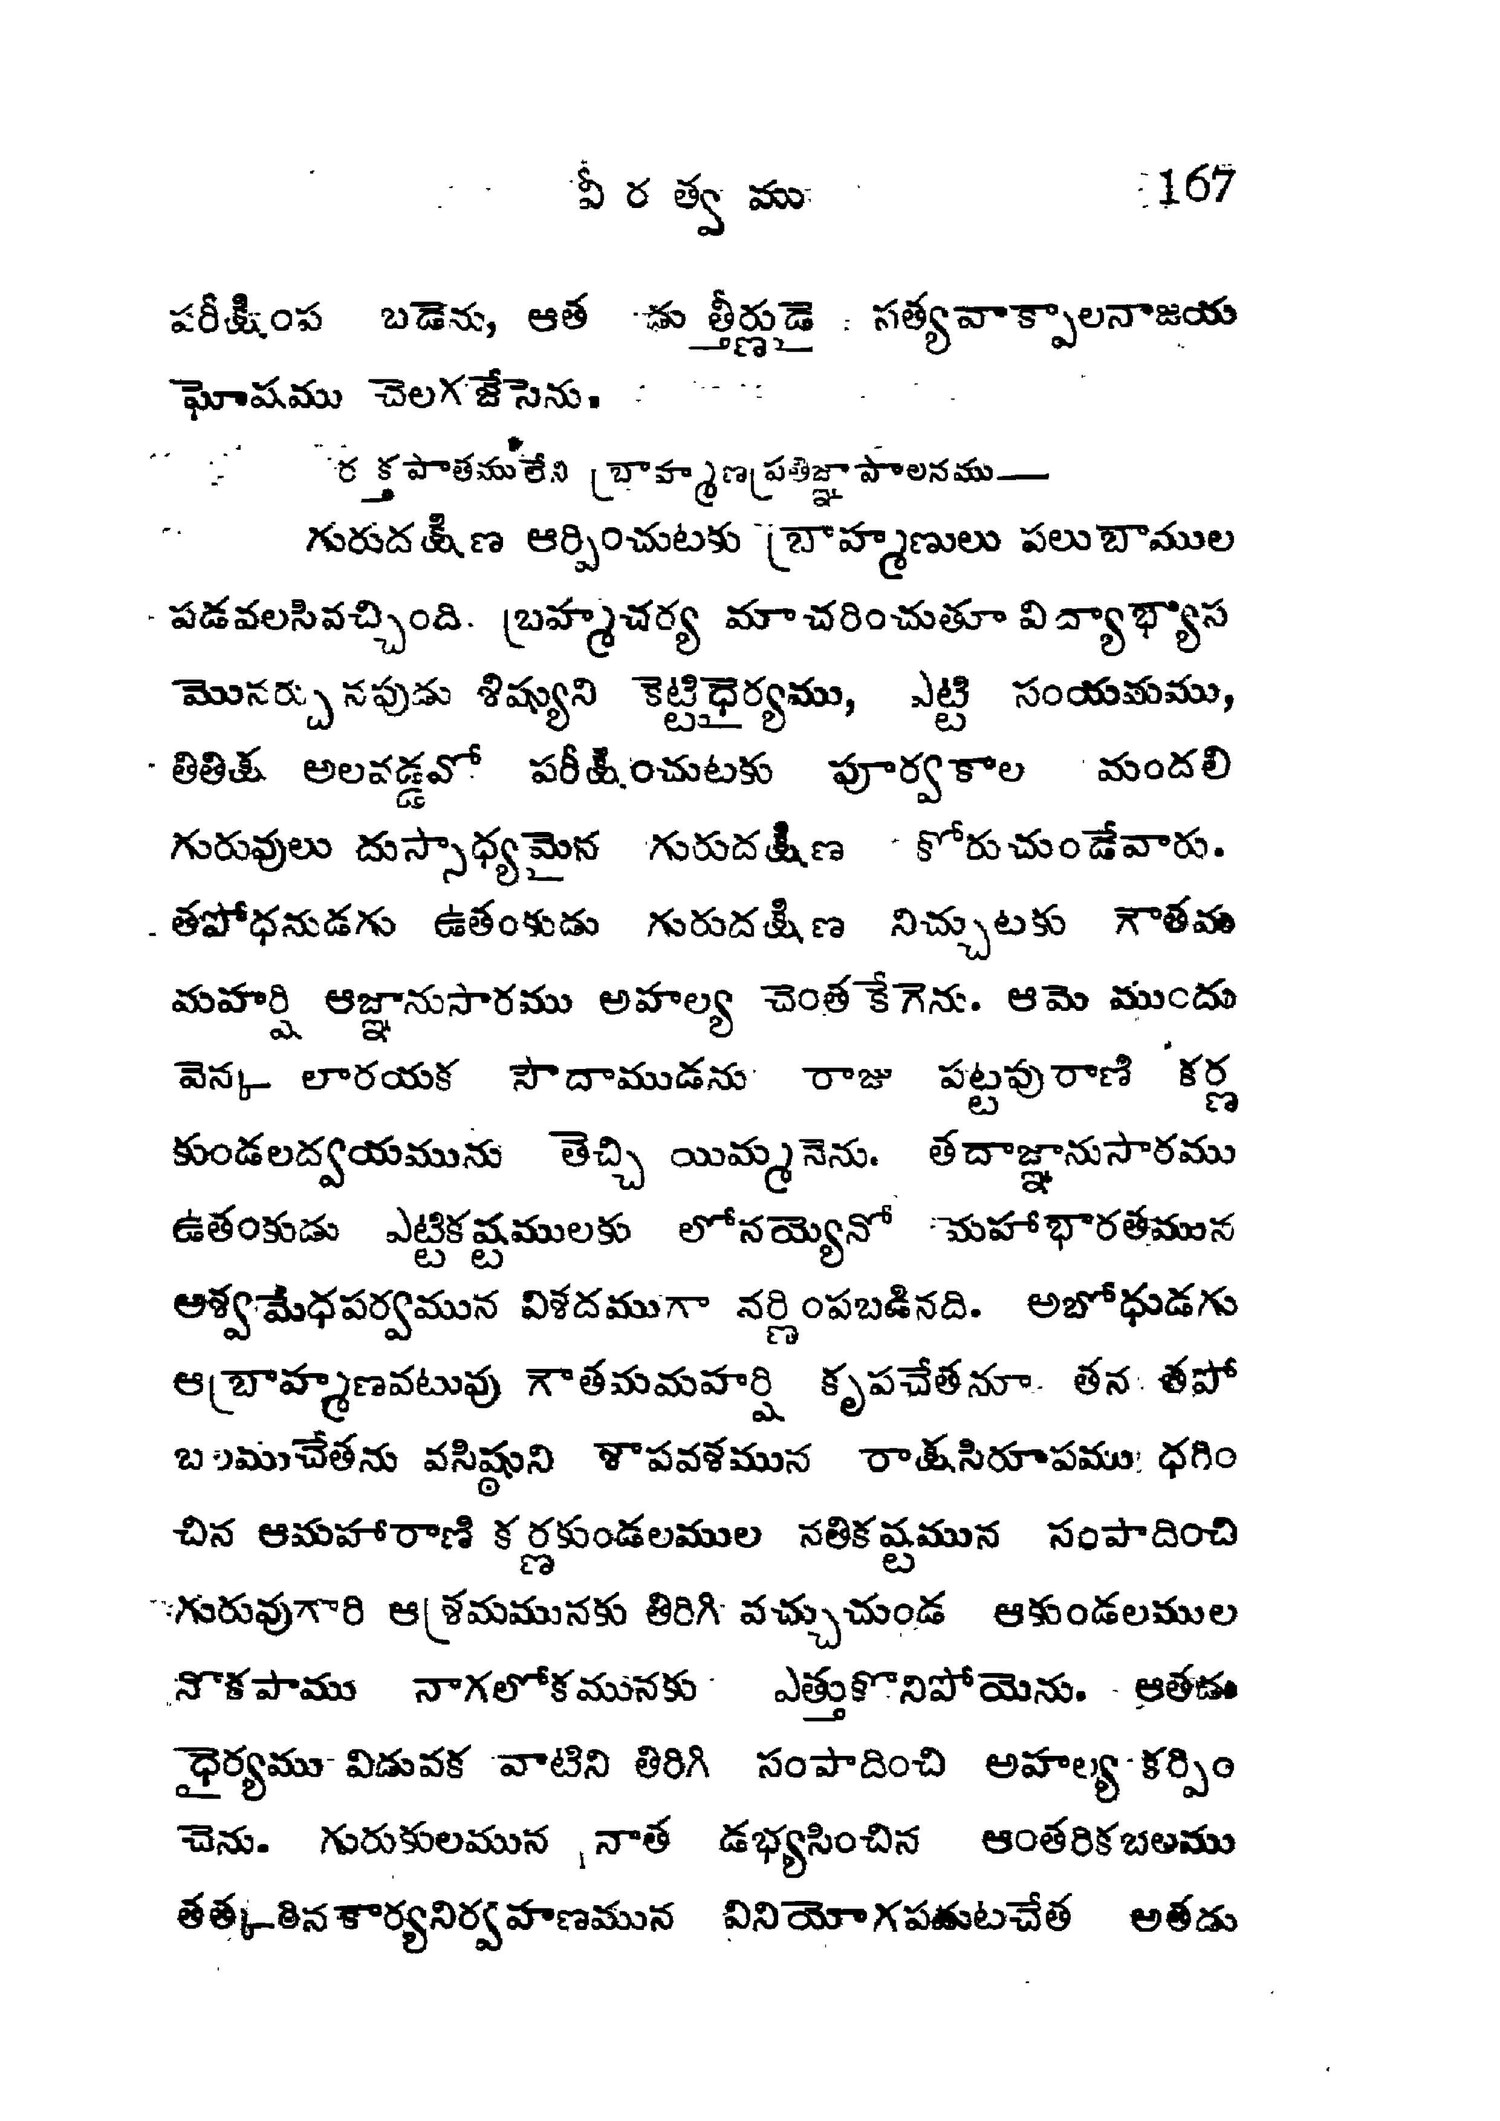పరీక్షింప బడెను, ఆత డుత్తీర్ణుడై సత్యవాక్పాలనాజయఘోషము చెలగజేసెను.

గురుదక్షిణ అర్పించుటకు బ్రాహ్మణులు పలుబాముల పడవలసివచ్చింది. బ్రహ్మచర్య మాచరించుతూ విద్యాభ్యాసమొనర్చునపుడు శిష్యుని కెట్టిధైర్యము, ఎట్టి సంయమము, తితిక్ష అలవడ్డవో పరీక్షించుటకు పూర్వకాల మందలి గురువులు దుస్సాధ్యమైన గురుదక్షిణ కోరుచుండేవారు. తపోధనుడగు ఉతంకుడు గురుదక్షిణ నిచ్చుటకు గౌతమ మహర్షి ఆజ్ఞానుసారము అహల్య చెంతకేగెను. ఆమె ముందు వెన్క లారయక సౌదాముడను రాజు పట్టపురాణి కర్ణకుండలద్వయమును తెచ్చి యిమ్మనెను. తదాజ్ఞానుసారము ఉతంకుడు ఎట్టికష్టములకు లోనయ్యెనో మహాభారతమున అశ్వమేధపర్వమున విశదముగా వర్ణింపబడినది. అబోధుడగు ఆబ్రాహ్మణవటువు గౌతమమహర్షి కృపచేతనూ తన తపోబలముచేతను వసిష్ఠుని శాపవశమున రాక్షసిరూపము ధరించిన ఆమహారాణి కర్ణకుండలముల నతికష్టమున సంపాదించి గురువుగారి ఆశ్రమమునకు తిరిగి వచ్చుచుండ ఆకుండలముల నొకపాము నాగలోకమునకు ఎత్తుకొనిపోయెను. ఆతడు ధైర్యము విడువక వాటిని తిరిగి సంపాదించి అహల్య కర్పించెను. గురుకులమున నాత డభ్యసించిన ఆంతరికబలము తత్కఠినకార్యనిర్వహణమున వినియోగపడుటచేత అతడు